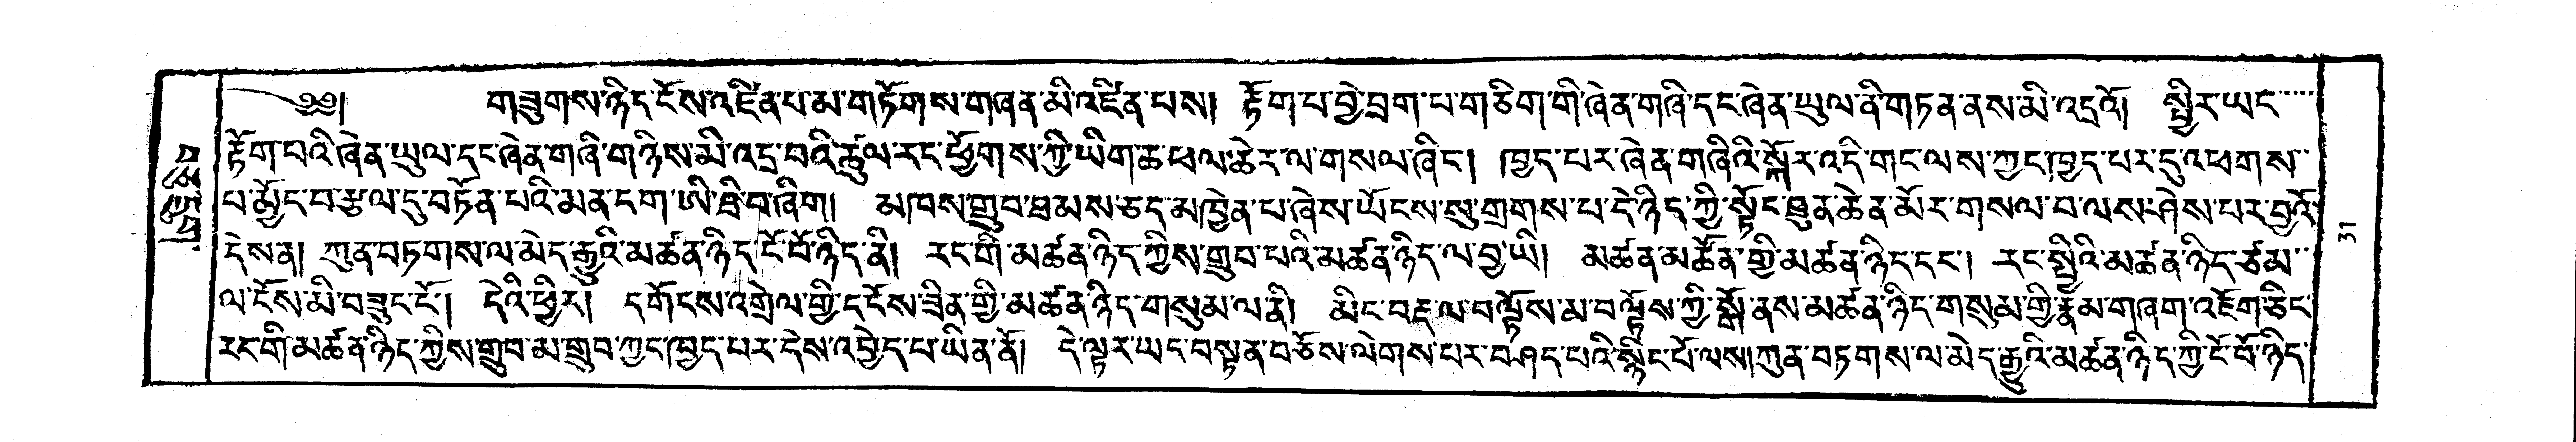༄༅། །གཟུགས་ཉིད་ངོས་འཛིན་པ་མ་གཏོགས་གཞན་མི་འཛིན་པས། རྟོག་པ་བྱེ་བྲག་པ་གཅིག་གི་ཞེན་གཞི་དང་ཞེན་ཡུལ་ནི་གཏན་ནས་མི་འདྲའོ། །སྤྱིར་ཡང་
རྟོག་པའི་ཞེན་ཡུལ་དང་ཞེན་གཞི་གཉིས་མི་འདྲ་བའི་ཚུལ་རང་ཕྱོགས་ཀྱི་ཡིག་ཆ་ཕལ་ཆེར་ལ་གསལ་ཞིང་། ཁྱད་པར་ཞེན་གཞིའི་སྐོར་འདི་གང་ལས་ཀྱང་ཁྱད་པར་དུ་འཕགས་
པ་མྱོང་བ་རྩལ་དུ་བཏོན་པའི་མན་ངག་ཨི་ཐི་བ་ཞིག །མཁས་གྲུབ་ཐམས་ཅད་མཁྱེན་པ་ཞེས་ཡོངས་སུ་གྲགས་པ་དེ་ཉིད་ཀྱི་སྟོང་ཐུན་ཆེན་མོར་གསལ་བ་ལས་ཤེས་པར་བྱའོ་
དེས་ན། ཀུན་བཏགས་ལ་མེད་རྒྱུའི་མཚན་ཉིད་ངོ་བོ་ཉིད་ནི། རང་གི་མཚན་ཉིད་ཀྱིས་གྲུབ་པའི་མཚན་ཉིད་ལ་བྱ་ཡི། མཚན་མཚོན་གྱི་མཚན་ཉིད་དང་། རང་སྤྱིའི་མཚན་ཉིད་ཙམ་
ལ་ངོས་མི་བཟུང་ངོ། དེའི་ཕྱིར། དགོངས་འགྲེལ་གྱི་དངོས་ཟིན་གྱི་མཚན་ཉིད་གསུམ་ལ་ནི། མིང་བརྡ་ལ་བལྟོས་མ་བལྟོས་ཀྱི་སྒོ་ནས་མཚན་ཉིད་གསུམ་གྱི་རྣམ་གཞག་འཇོག་ཅིང་
རང་གི་མཚན་ཉིད་ཀྱིས་གྲུབ་མ་གྲུབ་ཀྱང་ཁྱད་པར་དེས་འབྱེད་པ་ཡིན་ནོ། དེ་ལྟར་ཡང་བསྟན་བཅོས་ལེགས་པར་བཤད་པའི་སྙིང་པོ་ལས། ཀུན་བཏགས་ལ་མེད་རྒྱུའི་མཚན་ཉིད་ཀྱི་ངོ་བོ་ཉིད་